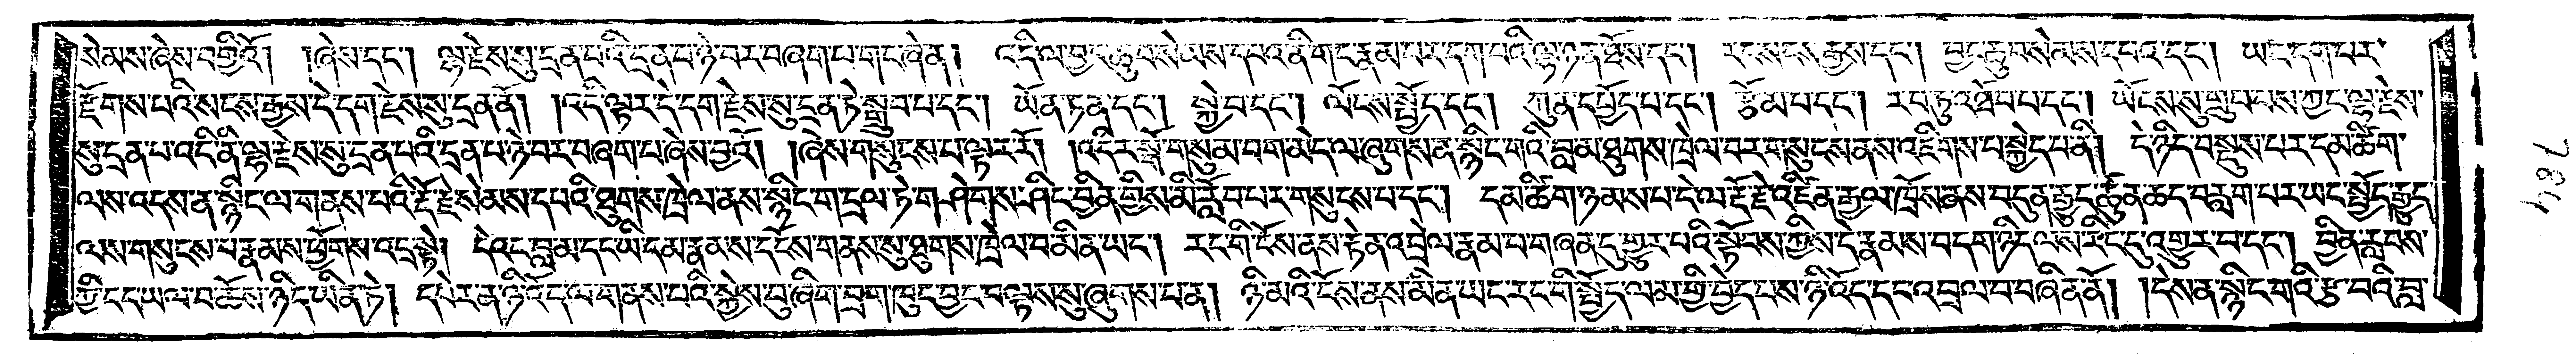སེམས་ཞེས་བགྱིའོ། །ཞེས་དང་། ལྷ་རྗེས་སུ་དྲན་པའི་དྲན་པ་ཉེ་བར་བཞག་པ་གང་ཞེ་ན། འདི་ལ་བྱང་ཆུབ་སེམས་དཔའ་ནི་གང་རྣམ་པར་དག་པའི་ལྷ་ཉན་ཐོས་དང་། རང་སངས་རྒྱས་དང་། བྱང་ཆུབ་སེམས་དཔའ་དང་། ཡང་དག་པར་
རྫོགས་པའི་སངས་རྒྱས་དེ་དག་རྗེས་སུ་དྲན་ནོ། །འདི་ལྟར་དེ་དག་རྗེས་སུ་དྲན་ཏེ་སྒྲུབ་པ་དང་། ཡོན་ཏན་དང་། སྐྱེ་བ་དང་། ལོངས་སྤྱོད་དང་། ཀུན་དཔྱོད་པ་དང་། རྩོམ་པ་དང་། རབ་ཏུ་འཐོབ་པ་དང་། ཡོངས་སུ་གྲུབ་པས་ཀྱང་ལྷ་རྗེས་
སུ་དྲན་པ་འདི་ནི་ལྷ་རྗེས་སུ་དྲན་པའི་དྲན་པ་ཉེ་བར་བཞག་པ་ཞེས་བྱའོ། །ཞེས་གསུངས་པ་ལྟར་རོ། །འདིར་སྒོ་གསུམ་བག་མེད་ལ་ཞུགས་ན་སྙིང་གའི་བླ་མ་ཐུགས་ཁྲེལ་བར་གསུངས་ནས་འཇིགས་པ་སྐྱེད་པ་མེད། དེ་ཉིད་བསྡུས་པར་དམ་ཚིག་
ལས་འདས་ན་སྙིང་ལ་གནས་པའི་རྡོ་རྗེ་སེམས་དཔའི་ཐུགས་ཁྲེལ་ནས་སྙིང་ག་དྲལ་ཏེ་གཤེགས་ཤིང་བྱིན་གྱིས་མི་རློབ་པར་གསུངས་པ་དང་། དམ་ཚིག་ཉམས་པ་དེ་ལ་རྡོ་རྗེ་འཛིན་རྒྱལ་ཁྲོས་ནས་བདུན་རྒྱུད་ཚུན་ཆད་བརླག་པར་ཡང་སྤྱོད་རྒྱུད་
ལས་གསུངས་པ་རྣམས་ཕྱོགས་འདྲ་སྟེ། དེའང་བླ་མ་དང་ཡི་དམ་རྣམས་དངོས་གནས་སུ་ཐུགས་ཁྲེལ་བ་མིན་ཡང་། རང་གི་ངོས་ནས་རྟེན་འབྲེལ་རྣམ་པ་གཞན་དུ་གྱུར་པའི་སྟོབས་ཀྱིས་དེ་རྣམས་བདག་ཉིད་ལས་རིང་དུ་འགྱུར་བ་དང་། བྱིན་རླབས་
ཀྱི་ངད་ཡལ་བ་ཆོས་ཉིད་ཡིན་ཏེ། དཔེར་ན་ཉི་འོད་ལ་གནས་པའི་སྐྱེས་བུ་ཞིག་བྲག་ཁུང་བྱང་བལྟས་སུ་ཞུགས་པ་ན། ཉི་མའི་ངོས་ནས་མིན་ཡང་རང་གི་སྤྱོད་ལམ་གྱི་བྱེད་པས་ཉི་འོད་དང་འབྲལ་བ་བཞིན་ནོ། །དེས་ན་སྙིང་གའི་རྩ་བའི་བླ་